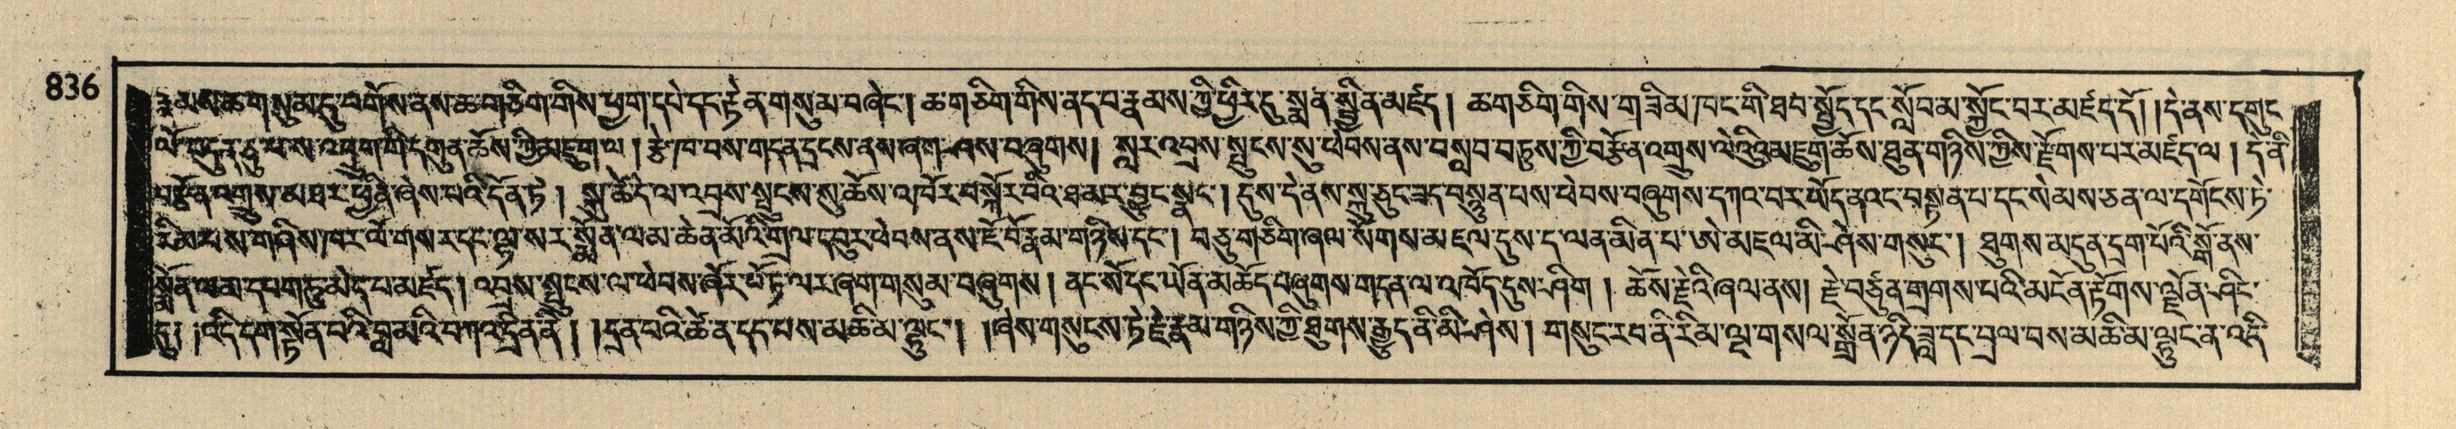རྣམས་ཆ་གསུམ་དུ་བགོས་ནས་ཆ་གཅིག་གིས་ཕྱག་དཔེ་དང་རྟེན་གསུམ་བཞེང་། ཆ་གཅིག་གིས་ནད་བ་རྣམས་ཀྱི་ཕྱིར་དུ་སྨན་སྦྱིན་མཛད། ཆ་གཅིག་གིས་གཟིམ་ཁང་གི་ཐབ་སྤྱོད་དང་སློབ་མ་སྐྱོང་བར་མཛད་དོ། །དེ་ནས་དགུང་
ལོ་བདུན་ཅུ་པ་ས་འབྲུག་གི་དགུན་ཆོས་ཀྱི་མཇུག་ལ། རྩེ་ཁ་བས་གདན་དྲངས་ནས་ཞག་ཤས་བཞུགས། སླར་འབྲས་སྤུངས་སུ་ཕེབས་ནས་བསླབ་བཏུས་ཀྱི་བརྩོན་འགྲུས་ལེའུའི་མཇུག་ཆོས་ཐུན་གཉིས་ཀྱིས་རྫོགས་པར་མཛད་ལ། དེ་ནི་
བརྩོན་འགྲུས་མཐར་ཕྱིན་ཞེས་པའི་དོན་ཏེ། སྐུ་ཚེ་དེ་ལ་འབྲས་སྤུངས་སུ་ཆོས་འཁོར་བསྐོར་བའི་ཐ་མར་བྱུང་སྣང་། དུས་དེ་ནས་སྐུ་ཅུང་ཟད་བསྙུན་པས་ཕེབས་བཞུགས་དཀའ་བར་ཡོད་ནའང་བསྟན་པ་དང་སེམས་ཅན་ལ་དགོངས་ཏེ་
རིམ་པས་གཞིས་ཁར་ལོ་གསར་དང་ལྷ་སར་སྨོན་ལམ་ཆེན་མོའི་གྲལ་དབུར་ཕེབས་ནས་ཇོ་བོ་རྣམ་གཉིས་དང་། བཅུ་གཅིག་ཞལ་སོགས་མཇལ་དུས་ད་ལན་མིན་པ་ཨེ་མཇལ་མི་ཤེས་གསུང་། ཐུགས་མདུན་དྲག་པོའི་སྒོ་ནས་
སྨོན་ལམ་དཔག་ཏུ་མེད་པ་མཛད། འབྲས་སྤུངས་ལ་ཕེབས་ཞོར་པོ་ཏ་ལར་ཞག་གསུམ་བཞུགས། ནང་སོ་དང་ཡོན་མཆོད་བཞུགས་གདན་ལ་འཁོད་དུས་ཤིག །ཆོས་རྗེའི་ཞལ་ནས། རྗེ་བཙུན་གྲགས་པའི་མངོན་རྟོགས་ལྗོན་ཤིང་
དུ༑ ༑འདི་དག་སྟོན་པའི་བླ་མའི་བཀའ་དྲིན་ནོ། །དྲན་པའི་ཚེ་ན་དང་པས་མཆི་མ་ལྷུང་། །ཞེས་གསུངས་ཏེ་རྗེ་རྣམ་གཉིས་ཀྱི་ཐུགས་རྒྱུད་ནི་མི་ཤེས། གསུང་རབ་ནི་རིམ་ལྔ་གསལ་སྒྲོན་ཉིད་ཟླ་དང་བྲལ་བས་མཆི་མ་ལྷུང་ན་འདི་